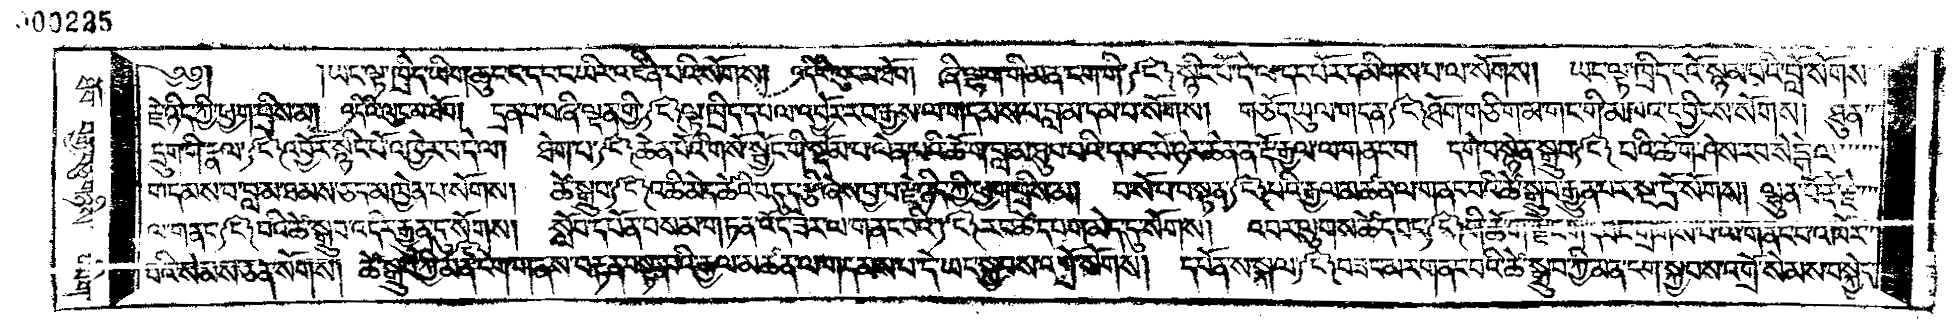༄༅། །ཡང་ལྟ་ཁྲིད་ཡིག་ཆུང་ང་དང་ང་ཡིར་འཛིན་པའི་སོགས་འདིའི་ལུང་མ་ཐོབ།  ཞི་ལྷག་གི་མན་ངག་གི ༼ང༽ སྙིང་པོ་དེ་ལ་དང་པོར་དམིགས་པ་ལ་སོགས། ཡང་ལྟ་ཁྲིད་ངའོ་སྙམ་པའི་བློ་སོགས་
རྗེ་ཉིད་ཀྱི་ཕྱག་བྲིས་མ་འདིའི་ལུང་མ་ཐོབ།  དྲན་པ་བཞི་ལྡན་གྱི ༼ང༽ ལྟ་ཁྲིད་དཔལ་འབྱོར་རབ་རྒྱས་ལ་གདམས་པ་བླ་མ་དམ་པ་སོགས། གཅོད་ཡུལ་གདན ༼ང༽ ཐོག་གཅིག་མ་གང་གི་མཁའ་དབྱིངས་སོགས། ཐུན་
དྲུག་གི་རྣལ ༼ང༽ འབྱོར་སྙིང་པོ་འཁྱེར་བ་དེ་ལ། ཐེག་པ ༼ང༽ ཆེན་པོའི་གསོ་སྦྱོང་གི་སྡོམ་པ་ལེན་པའི་ཆོ་ག་བླ་མ་ཐུབ་པའི་དབང་པོ་ཉེར་ཆེན་ན་རྡོ་རྒྱལ་ལ་གནང་བ། དགེ་བསྙེན་སྒྲུབ ༼ང༽ པའི་ཆོ་ག་ཤེས་རབ་སེངྒེ་ལ་
གདམས་པ་བླ་མ་ཐམས་ཅད་མཁྱེན་པ་སོགས། ཚེ་སྒྲུབ ༼ང༽ འཆི་མེད་ཚེའི་བདུད་རྩི་ཞེས་བྱ་བ་རྗེ་ཉིད་ཀྱི་ཕྱག་བྲིས་མ། བ་སོ་པ་བསྟན ༼ང༽ པའི་རྒྱལ་མཚན་ལ་གནང་བའི་ཚེ་སྒྲུབ་རྒྱུན་པར་སྔ་དྲོ་སོགས། ལྷུན་པོ་རྡོ་རྗེ་
ལ་གནང ༼ང༽ བའི་ཚེ་སྒྲུབ་འདིར་རྒྱུན་དུ་སོགས། སློབ་དཔོན་བསམ་གཏན་འོད་ཟེར་ལ་གནང་བའི ༼ང༽ རང་ཚེ་དཔག་མེད་དུ་སོགས། འབར་ལུགས་ཚེ་དབང ༼ང༽ གི་ཆོ་ག་རྗེ་ངག་དབང་གྲགས་པ་ལ་གནང་བ་འཁོར་
བའི་སེམས་ཅན་སོགས། ཚེ་སྒྲུབ་ཀྱི་མན་ངག་གནས་བརྟན་བསྟན་པའི་རྒྱལ་མཚན་ལ་གདམས་པ་དེ་ཡང་སྐྱབས་འགྲོ་སོགས། དཔོན་ས་སྐལ ༼ང༽ བཟང་མར་གནང་བའི་ཚེ་སྒྲུབ་ཀྱི་མན་ངག་སྐྱབས་འགྲོ་སེམས་བསྐྱེད་